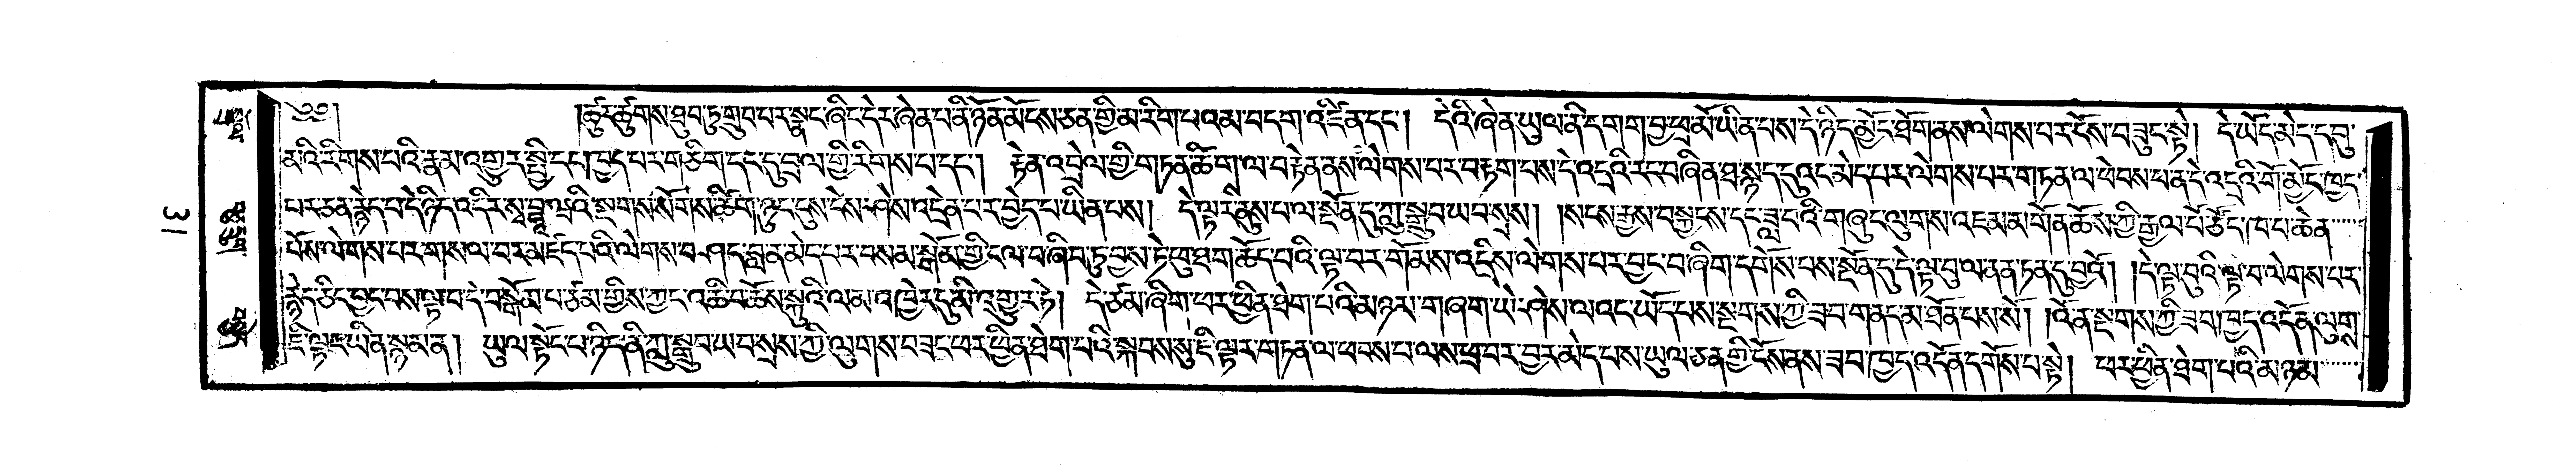༄༅། །ཚུང་ཚུགས་ཐུབ་ཏུ་གྲུབ་པར་སྣང་ཞིང་དེར་ཞེན་པ་ནི་ཉོན་མོངས་ཅན་གྱི་མ་རིག་པའམ་བདག་འཛིན་དང་། དེའི་ཞེན་ཡུལ་ནི་དགག་བྱ་ཕྲ་མོ་ཡིན་པས་དེ་ཉིད་མྱོང་ཐོག་ནས་ལེགས་པར་ངོས་བཟུང་སྟེ། དེ་ཡོད་མེད་དགུ་
མའི་རིགས་པའི་རྣམ་འགྱུར་སྤྱི་དང་ཁྱད་པར་གཅིག་དང་དུ་བྲལ་གྱི་རིགས་པ་དང་། རྟེན་འབྲེལ་གྱི་གཏན་ཚིགས་ལ་བརྟེན་ནས་ལེགས་པར་བརྟག་པས་དེ་འདྲའི་རང་བཞིན་ཐ་སྙད་དུའང་མེད་པར་ལེགས་པར་གཏན་ལ་ཕེབས་པ་ན་དེ་འདྲའི་གོ་མྱོང་ཁྱད་
པར་ཅན་རྙེད་པ་དེ་ཉིད་འདིར་སྭབྷཱ་ཝའི་སྔགས་སོགས་ཚིག་ཉུང་དུས་ངེས་ཤེས་འདྲེན་པར་བྱེད་པ་ཡིན་པས། དེ་ལྟར་ནུས་པ་ལ་སྔོན་དུ་ཀླུ་སྒྲུབ་ཡབ་སྲས། སངས་རྒྱས་བསྐྱངས་དང་ཟླ་བའི་གཞུང་ལུགས་འཇམ་མགོན་ཆོས་ཀྱི་རྒྱལ་པོ་ཙོང་ཁ་པ་ཆེན་
པོས་ལེགས་པར་གསལ་བར་མཛད་པའི་ལེགས་བཤད་བླ་ན་མེད་པར་བསམ་སྒོམ་གྱི་ངལ་བ་ཞིབ་ཏུ་བྱས་ཏེ་ཕུ་ཐག་ཆོད་པའི་ལྟ་བར་གོམས་འདྲིས་ལེགས་པར་བྱང་བ་ཞིག་དགོས་པས་སྔོན་དུ་དེ་ལྟ་བུ་ལ་ནན་ཏན་དུ་བྱའོ། །དེ་ལྟ་བུའི་ལྟ་བ་ལེགས་པར་
རྙེད་ཅིང་བྱང་བས་ལྟ་བ་དེ་བསྒོམ་པ་ཙམ་གྱིས་ཀྱང་འཆི་བ་ཆོས་སྐུའི་ལམ་འཁྱེར་དུ་མི་འགྱུར་ཏེ། དེ་ཙམ་ཞིག་ཕར་ཕྱིན་ཐེག་པའི་མཉམ་གཞག་ཡེ་ཤེས་ལའང་ཡོད་པས་སྔགས་ཀྱི་ཟབ་གནད་མ་ཐོན་བས་སོ། །འོ་ན་སྔགས་ཀྱི་ཟབ་ཁྱད་འདོན་ལུགས་
ཇི་ལྟར་ཡིན་སྙམ་ན། ཡུལ་སྟོང་པ་ཉིད་ནི་ཀླུ་སྒྲུབ་ཡབ་སྲས་ཀྱི་ལུགས་བཟང་ཕར་ཕྱིན་ཐེག་པའི་སྐབས་སུ་ཇི་ལྟར་གཏན་ལ་ཕབ་པ་ལས་ཕྲ་བར་བྱར་མེད་པས་ཡུལ་ཅན་གྱི་ངོས་ནས་ཟབ་ཁྱད་འདོན་དགོས་པ་སྟེ། ཕར་ཕྱིན་ཐེག་པའི་མཉམ་